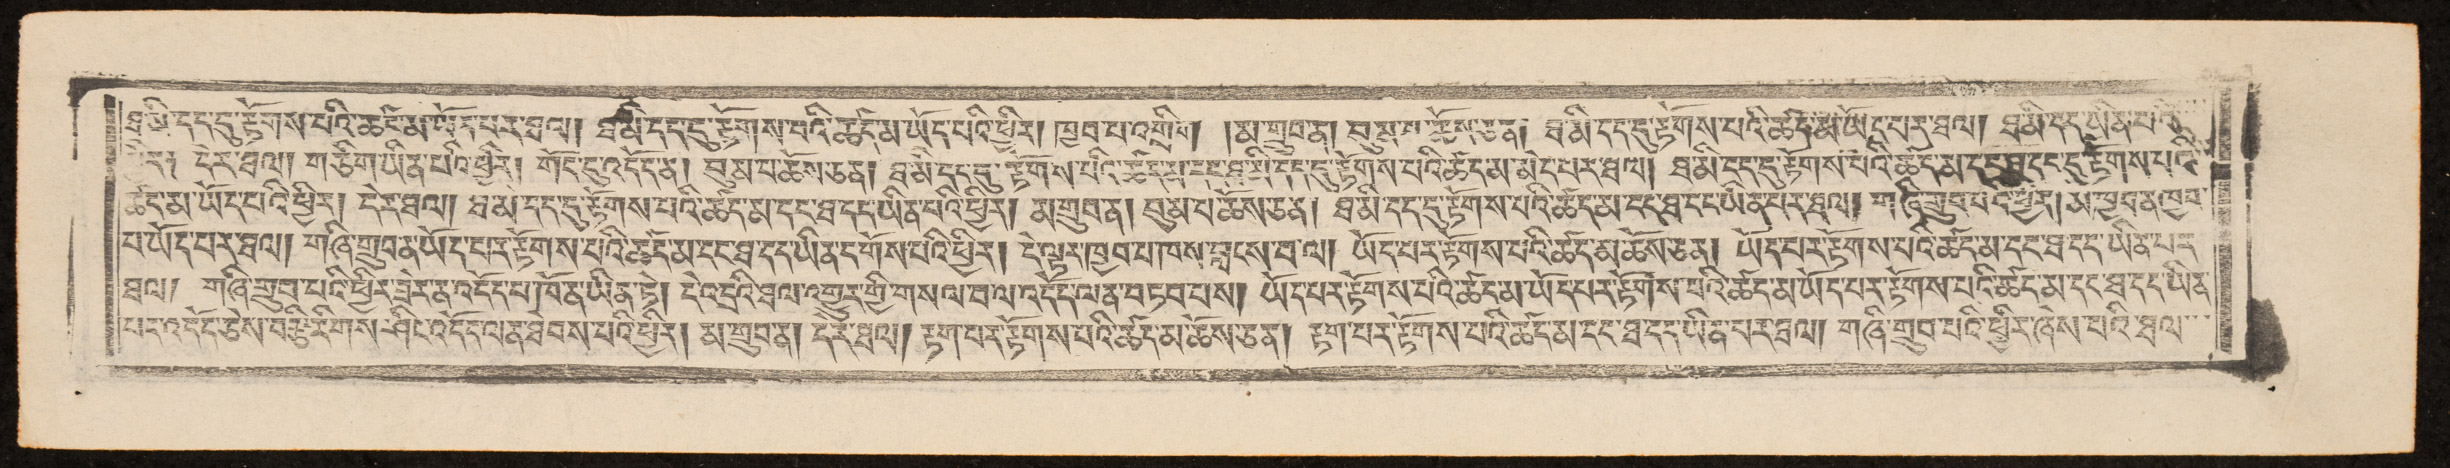ཐ་མི་དད་དུ་རྟོགས་པའི་ཚད་མ་ཡོད་པར་ཐལ། ཐ་མི་དད་དུ་རྟོགས་པའི་ཚད་མ་ཡོད་པའི་ཕྱིར། ཁྱབ་པ་འགྲིག །མ་གྲུབ་ན། བུམ་པ་ཆོས་ཅན། ཐ་མི་དད་དུ་རྟོགས་པའི་ཚད་མ་ཡོད་པར་ཐལ། ཐ་མི་དད་ཡིན་པའི་
ཕྱིར། དེར་ཐལ། གཅིག་ཡིན་པའི་ཕྱིར། གོང་དུ་འདོད་ན། བུམ་པ་ཆོས་ཅན། ཐ་མི་དད་དུ་རྟོགས་པའི་ཚད་མ་དང་ཐ་མི་དད་དུ་རྟོགས་པའི་ཚད་མ་མེད་པར་ཐལ། ཐ་མི་དད་དུ་རྟོགས་པའི་ཚད་མ་དང་ཐ་དད་དུ་རྟོགས་པའི་
ཚད་མ་ཡོད་པའི་ཕྱིར། དེར་ཐལ། ཐ་མི་དད་དུ་རྟོགས་པའི་ཚད་མ་དང་ཐ་དད་ཡིན་པའི་ཕྱིར། མ་གྲུབ་ན། བུམ་པ་ཆོས་ཅན། ཐ་མི་དད་དུ་རྟོགས་པའི་ཚད་མ་དང་ཐ་དད་ཡིན་པར་ཐལ། གཞི་གྲུབ་པའི་ཕྱིར། མ་ཁྱབ་ན་ཁྱབ་
པ་ཡོད་པར་ཐལ། གཞི་གྲུབ་ན་ཡོད་པར་རྟོགས་པའི་ཚད་མ་དང་ཐ་དད་ཡིན་དགོས་པའི་ཕྱིར། དེ་ལྟར་ཁྱབ་པ་ཁས་བླངས་པ་ལ། ཡོད་པར་རྟོགས་པའི་ཚད་མ་ཆོས་ཅན། ཡོད་པར་རྟོགས་པའི་ཚད་མ་དང་ཐ་དད་ཡིན་པར་
ཐལ། གཞི་གྲུབ་པའི་ཕྱིར་ཟེར་ན་འདོད་པ་ཁོ་ན་ཡིན་ཏེ། དེ་འདྲའི་ཐལ་འགྱུར་གྱི་གསལ་བ་ལ་འདོད་ལན་བཏབ་པས། ཡོད་པར་རྟོགས་པའི་ཚད་མ་ཡོད་པར་རྟོགས་པའི་ཚད་མ་ཡོད་པར་རྟོགས་པའི་ཚད་མ་དང་ཐ་དད་ཡིན་
པར་འདོད་ཅེས་བརྩི་རིགས་ཤིང་འདོད་ལན་ཐེབས་པའི་ཕྱིར། མ་གྲུབ་ན། དེར་ཐལ། རྟག་པར་རྟོགས་པའི་ཚད་མ་ཆོས་ཅན། རྟག་པར་རྟོགས་པའི་ཚད་མ་དང་ཐ་དད་ཡིན་པར་ཐལ། གཞི་གྲུབ་པའི་ཕྱིར་ཞེས་པའི་ཐལ་